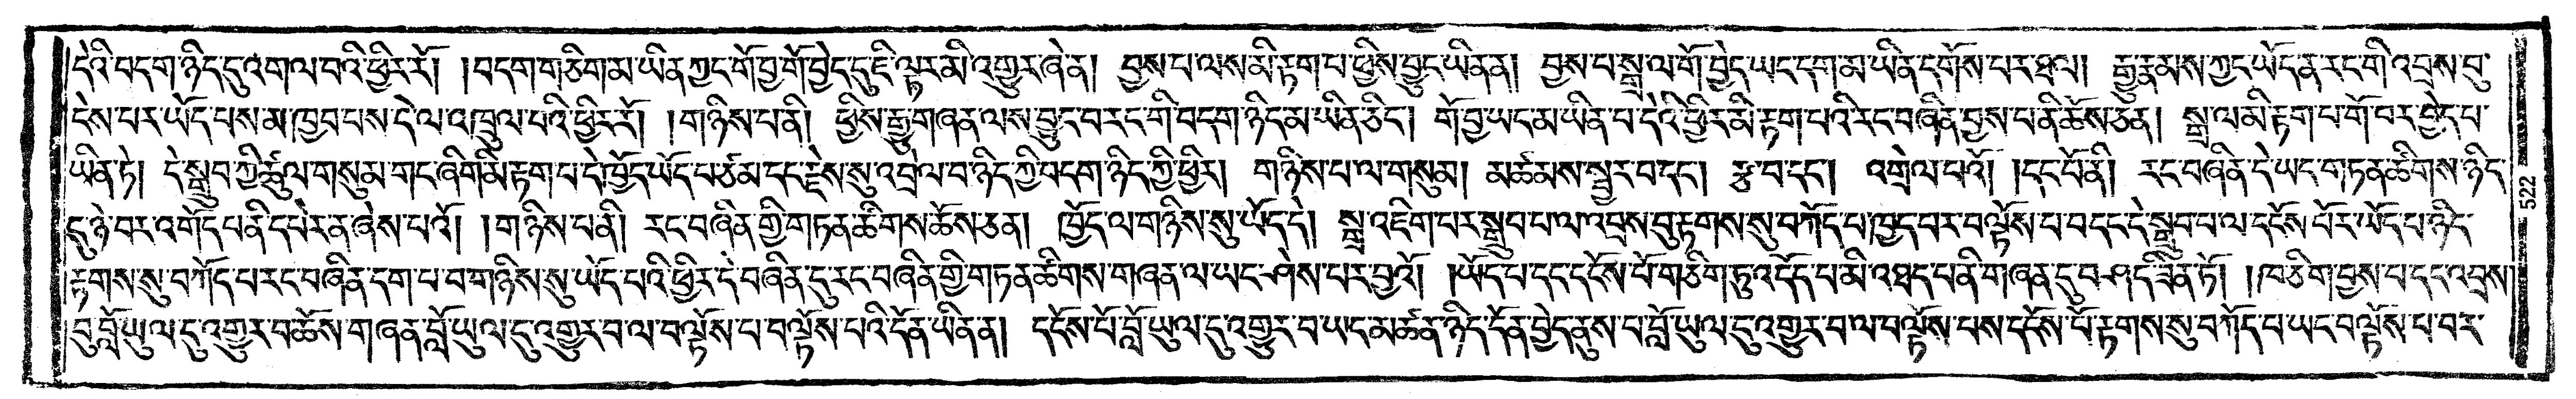དེའི་བདག་ཉིད་དུ་འགལ་བའི་ཕྱིར་རོ། །བདག་གཅིག་མ་ཡིན་ཀྱང་གོ་བྱ་གོ་བྱེད་དུ་ཇི་ལྟར་མི་འགྱུར་ཞེ་ན། བྱས་པ་ལས་མི་རྟག་པ་ཕྱིས་བྱུང་ཡིན་ན། བྱས་པ་སྒྲ་ལ་གོ་བྱེད་ཡང་དག་མ་ཡིན་དགོས་པར་ཐལ། རྒྱུ་རྣམས་ཀྱང་ཡོད་ན་རང་གི་འབྲས་བུ་
ངེས་པར་ཡོད་པས་མ་ཁྱབ་པས་དེ་ལ་འཁྲུལ་པའི་ཕྱིར་རོ། །གཉིས་པ་ནི། ཕྱིས་རྒྱུ་གཞན་ལས་བྱུང་བ་རང་གི་བདག་ཉིད་མ་ཡིན་ཅིང་། གོ་བྱ་ཡང་མ་ཡིན་པ་དེའི་ཕྱིར་མི་རྟག་པའི་རང་བཞིན་བྱས་པ་ནི་ཆོས་ཅན། སྒྲ་ལ་མི་རྟག་པ་གོ་བར་བྱེད་པ་
ཡིན་ཏེ། དེ་སྒྲུབ་ཀྱི་ཚུལ་གསུམ་གང་ཞིག་མི་རྟག་པ་དེ་ཁྱོད་ཡོད་པ་ཙམ་དང་རྗེས་སུ་འབྲེལ་པ་ཉིད་ཀྱི་བདག་ཉིད་ཀྱི་ཕྱིར། གཉིས་པ་ལ་གསུམ། མཚམས་སྦྱར་བ་དང་། རྩ་བ་དང་། འགྲེལ་པའོ། །དང་པོ་ནི། རང་བཞིན་དེ་ཡང་གཏན་ཚིགས་ཉིད་
དུ་ཉེ་བར་འགོད་པ་ནི་དཔེར་ན་ཞེས་པའོ། །གཉིས་པ་ནི། རང་བཞིན་གྱི་གཏན་ཚིགས་ཆོས་ཅན། ཁྱོད་ལ་གཉིས་སུ་ཡོད་དེ། སྒྲ་འཇིག་པར་སྒྲུབ་པ་ལ་འབྲས་བུ་རྟགས་སུ་བཀོད་པ་ཁྱད་པར་བལྟོས་པ་བ་དང་དེ་སྒྲུབ་པ་ལ་དངོས་པོར་ཡོད་པ་ཉིད་
རྟགས་སུ་བཀོད་པ་རང་བཞིན་དག་པ་བ་གཉིས་སུ་ཡོད་པའི་ཕྱིར་དེ་བཞིན་དུ་རང་བཞིན་གྱི་གཏན་ཚིགས་གཞན་ལ་ཡང་ཤེས་པར་བྱའོ། །ཡོད་པ་དང་དངོས་པོ་གཅིག་ཏུ་འདོད་པ་མི་འཐད་པ་ནི་གཞན་དུ་བཤད་ཟིན་ཏོ། །ཁ་ཅིག་བྱས་པ་དང་འབྲས་
བུ་བློ་ཡུལ་དུ་འགྱུར་བ་ཆོས་གཞན་བློ་ཡུལ་དུ་འགྱུར་བ་ལ་བལྟོས་པ་བལྟོས་པའི་དོན་ཡིན་ན། དངོས་པོ་བློ་ཡུལ་དུ་འགྱུར་བ་ཡང་མཚན་ཉིད་དོན་བྱེད་ནུས་པ་བློ་ཡུལ་དུ་འགྱུར་བ་ལ་བལྟོས་པས་དངོས་པོ་རྟགས་སུ་བཀོད་པ་ཡང་བལྟོས་པ་བར་